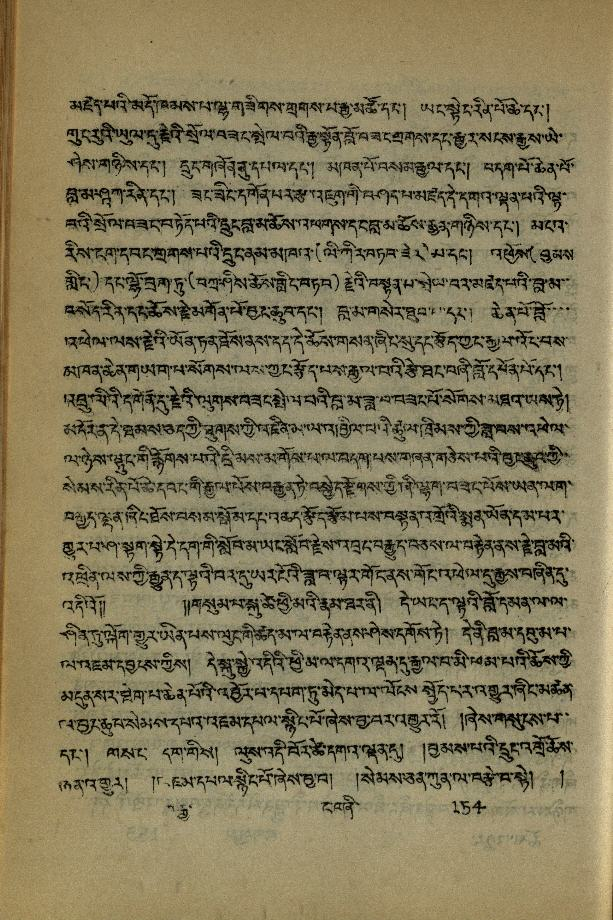མཛད་པའི་མདོ་ཁམས་པ་ལྷ་གཟིགས་གྲགས་པ་རྒྱ་མཚོ་དང་། ཡང་སྟེང་རིན་པོ་ཆེ་དང་།
གུང་རུའི་ཡུལ་དུ་རྗེའི་སྲོལ་བཟང་སྤེལ་བའི་རྒྱ་སྟོན་བློ་བཟང་གྲགས་དང་རྒྱ་ར་སངས་རྒྱས་ཡེ་
ཤེས་གཉིས་དང་། དྲུང་གཞོན་ནུ་དཔལ་དང་། མཁན་པོ་བསམ་རྒྱལ་དང་། བདག་པོ་ཆེན་པོ་
བླ་མ་ཤཱཀ་རིན་དང་། ཟང་ཟིང་དགོན་པར་རྩ་འཇུག་གི་བཤད་པ་མཛད་དེ་དགའ་ལྡན་པའི་ལྟ་
བའི་སྲོལ་བཟང་བཏོད་པའི་དྲུང་བླ་མ་ཆོས་འཕགས་དང་བླ་མ་ཆོས་རྒྱན་གཉིས་དང་། མངའ་
རིས་ངག་དབང་གྲགས་པའི་དྲུང་ནམ་མཁའ་ལི་ཀིར་བཏབ་ཟེའི་མ་དང་། འཕྱོས་བྱམས་
གླིང་དང་ལྷོ་བྲག་ཏུ་་བཀྲ་ཤིས་ཆོས་གླིང་བཏབ་རྗེའི་བསྟན་པ་སྲེལ་བའ་མཛད་པའི་བླ་མ་
བསོད་རིན་དང་ཆོས་རྗེ་མགོན་པོ་བྱང་ཆུབ་དང་། བླ་མ་གསེར་ཐུབ་པ་དང་། ཆེན་པོ་བློ་
འཕེལ་ལས་རྗེའི་ཡོན་ཏན་ཐོས་ནས་དད་དེ་ཆོས་གསན་ཞིང་སུ་དང་རྩོད་ཀྱང་རྒྱལ་འོང་པས་
མཁན་ཆེན་གཡག་པ་སོགས་ལས་ཀྱང་རྩོད་པས་རྒྱལ་པའི་རྩེ་ཐང་བཞི་བློ་དཔོན་པོ་དང་།
འབྲུ་ལིའི་དགོན་དུ་རྗེའི་ལུགས་བཟང་སྤེལ་བའི་བླ་མ་ཟླ་བ་བཟང་པོ་སོགས་མཐའ་ཡས་ཏེ།
མདོར་ན་དེ་ཐམས་ཅད་ཀྱི་ཐུགས་ཀྱི་འཛིན་མ་ལ་འཁྱིལ་པའི་ཚུལ་ཁྲིམས་ཀྱི་ཟླ་བས་འཕེལ་
ལ་ཉེས་ལྟུང་གི་རྙོགས་པའི་དྲི་མས་མགོས་པ་ལ་བདག་པས་གཞན་གཅེས་པའི་བྱང་ཆུབ་ཀྱི་
སེམས་རིན་པོ་ཆེ་དབང་གི་རྒྱལ་པོས་བརྒྱན་ཏེ་བསྐྱེད་རྫོགས་ཀྱི་ཞི་ལྷག་བཟང་པོས་ཡན་ལག་
བརྒྱད་ལྡན་ཞིང་ཐོས་བསམ་སྒོམ་དང་འཆད་རྩོད་རྩོམ་པས་བསྟན་འགྲོའི་སྨན་ཡོན་དམ་པར་
གྱུར་པ་ཤ་སྟག་སྟེ་དེ་དག་གི་སློབ་མ་ཡང་སློབ་རྗེས་འབྲང་བརྒྱུད་བཅས་ལ་བརྟེན་ནས་རྗེ་བླ་མའི་
འཕྲིན་ལས་ཀྱི་རྒྱུན་ད་ལྟའི་བར་དུ་ཡར་ངོའི་ཟླ་བ་ལྟར་གོང་ནས་གོང་འཕེལ་དུ་རྒྱས་བཞིན་དུ་
འདིའོ།། །།གསུམ་པ་སྐུ་ཚེ་ཕྱི་མའི་རྣམ་ཐར་ནི། དེ་ཡང་ད་ལྟའི་བློ་དམན་ལ་ལ་
ཤིན་ཏུ་ལྐོག་གྱུར་ཡིན་པས་ལུང་གི་ཚད་མ་ལ་བརྟེན་ནས་ཤེས་དགོས་ཏེ། དེ་ནི་བླ་མ་དབུ་མ་པ་
ལ་འཇམ་དབྱངས་ཀྱིས། དེ་སྐུ་སྐྱེ་འདིའི་ཕྱི་མ་ལ་དགའ་ལྡན་དུ་རྒྱལ་བ་མི་ཕམ་པའི་ཆོས་ཀྱི་
མདུན་སར་ཐེག་པ་ཆེན་པོའི་འབྱོར་པ་དཔག་ཏུ་མེད་པ་ལ་ལོངས་སྤྱོད་པར་འགྱུར་ཞིང་མཚན་
ལ་བྱང་ཆུབ་སེམས་དཔའ་འཇམ་དཔལ་སྙིང་པོ་ཞེས་བྱ་བར་འགྱུར་རོ། །ཞེས་གསུངས་པ་
དང་། གསང་དག་གིས། ལུས་འདི་བོར་ཚེ་དགའ་ལྡན་དུ། །བྱམས་པའི་དྲུང་འགྲོ་ཆོས་
ཉན་འགྱུར། །འཇམ་དཔལ་སྙིང་པོ་ཞེས་བྱ་བ། །སེམས་ཅན་ཀུན་ལ་བརྩེ་བ་སྟེ། །